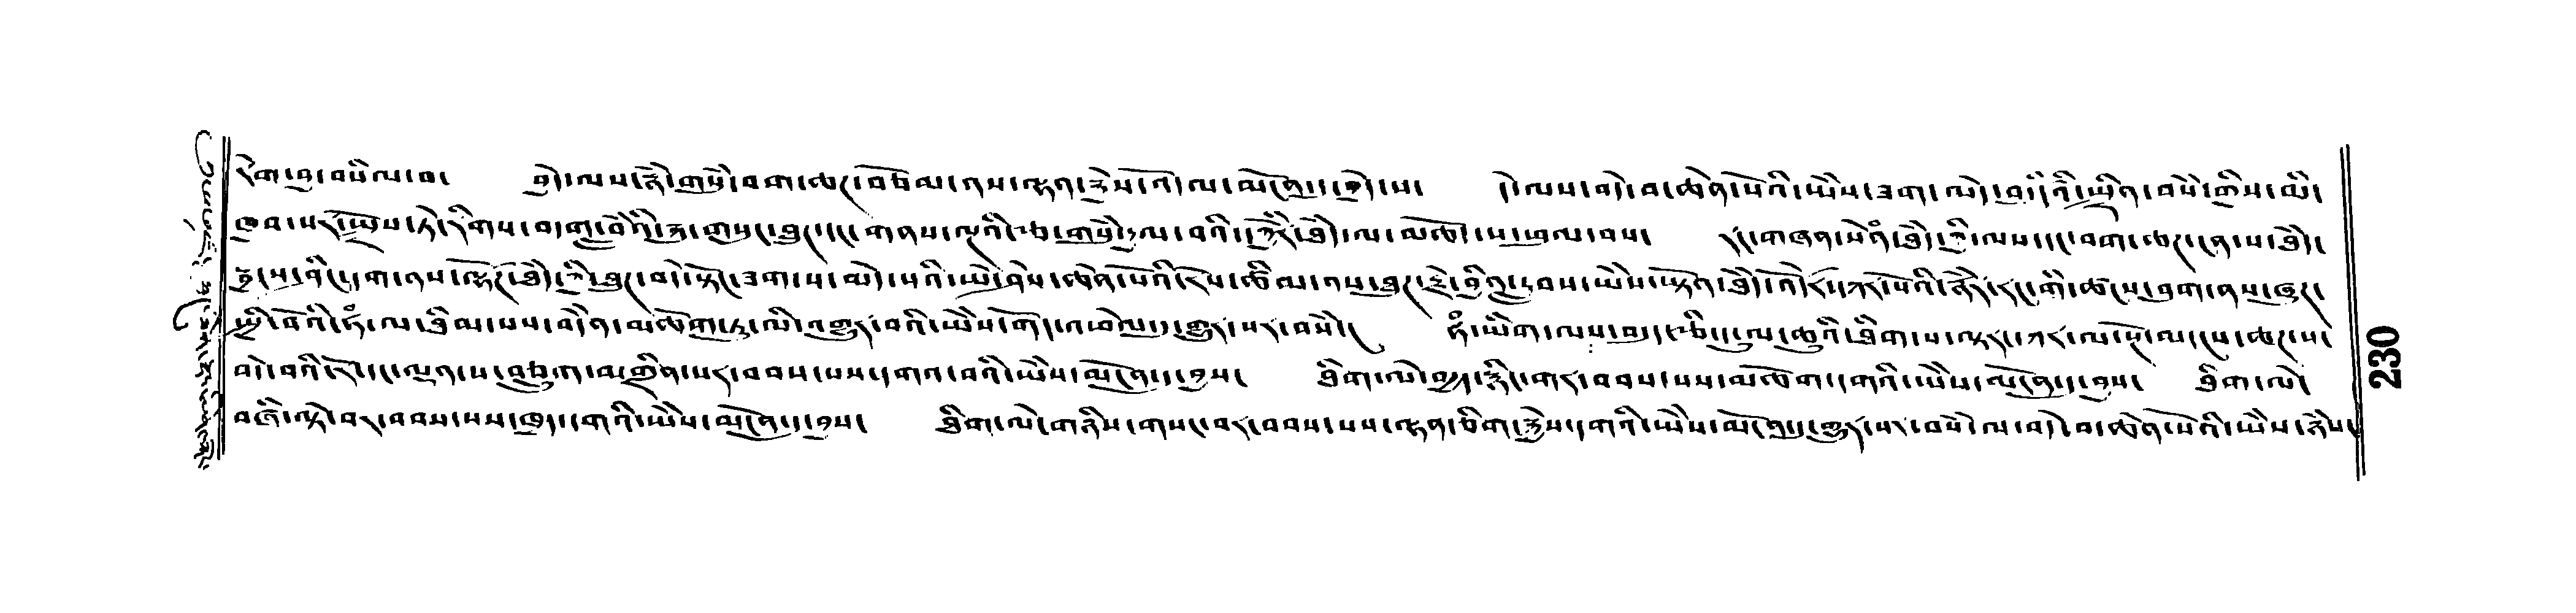རེག་བྱ་བསིལ་བ། བྱེད་ལས་རྣམ་གསུམ་བག་ཆགས་བཅོམ་ནས་ལྷན་སྐྱེས་འོད་གསལ་མངོན་དུ་བྱེད་པ། དེ་ལས་བདེ་བ་ཆེན་པོའི་ཡེ་ཤེས་ཟག་མེད་བདུད་རྩིའི་སྤྲིན་བསམ་གྱིས་མི་
ཁྱབ་པ་སྤྲོས་ཏེ་རིགས་བདག་བླ་མའི་སྐུ་གསུང་ཐུགས་དང་གནས་ལྔའི་རྩ་གསུམ་རྒྱལ་བའི་དཀྱིལ་འཁོར་ཐམས་ཅད་ལ་མཆོད་པ་ཕུལ་བས། རང་གཞན་སེམས་ཅན་ཐམས་ཅད་ཀྱི་ལས་དང་བག་ཆགས་ངན་པ་ཐམས་ཅད་
སྦྱངས་ཤིང་དག་ནས་ལྷ་ཚོགས་ཐམས་ཅད་ཀྱི་ཐུགས་བདེ་སྟོང་ཟག་པ་མེད་པའི་ཡེ་ཤེས་ཆེན་པོའི་རོས་ཚིམ་ནས་ཐུགས་རྗེ་བྱིན་རླབས་ཡེ་ཤེས་ཡོན་ཏན་ཐམས་ཅད་འོད་ཟེར་དཀར་པོའི་རྣམ་པར་རང་གི་ཚངས་བུག་ནས་ཞུགས་
སྤྱི་བོའི་ཧཾ་ལ་ཐིམ་པས་བདེ་ཆེན་མཆོག་ཏུ་མི་འགྱུར་བའི་ཡེ་ཤེས་གོང་འཕེལ་དུ་གྱུར་པར་བསམ། ཧཾ་ཡིག་ལས་བདུད་རྩི་དངུལ་ཆུའི་ཐིག་པ་ལྟར་དཀར་ལ་སྔོ་མདངས་ཆགས་པ་
བདེ་བའི་རོ་དང་ལྡན་པ་བཅུ་དྲུག་མགྲིན་པར་བབས་པས་དགའ་བའི་ཡེ་ཤེས་མངོན་དུ་བྱས། ཐིག་ལེ་བརྒྱད་སྙིང་གར་བབས་པས་མཆོག་དགའི་ཡེ་ཤེས་མངོན་དུ་བྱས། ཐིག་ལེ་
བཞི་ལྟེ་བར་བབས་པས་ཁྱད་དགའི་ཡེ་ཤེས་མངོན་དུ་བྱས། ཐིག་ལེ་གཉིས་གསང་བར་བབས་པས་ལྷན་ཅིག་སྐྱེས་དགའི་ཡེ་ཤེས་མངོན་དུ་གྱུར་པར་བསམ་ལ་བདེ་བ་ཆེན་པོའི་ཡེ་ཤེས་ཉམས་